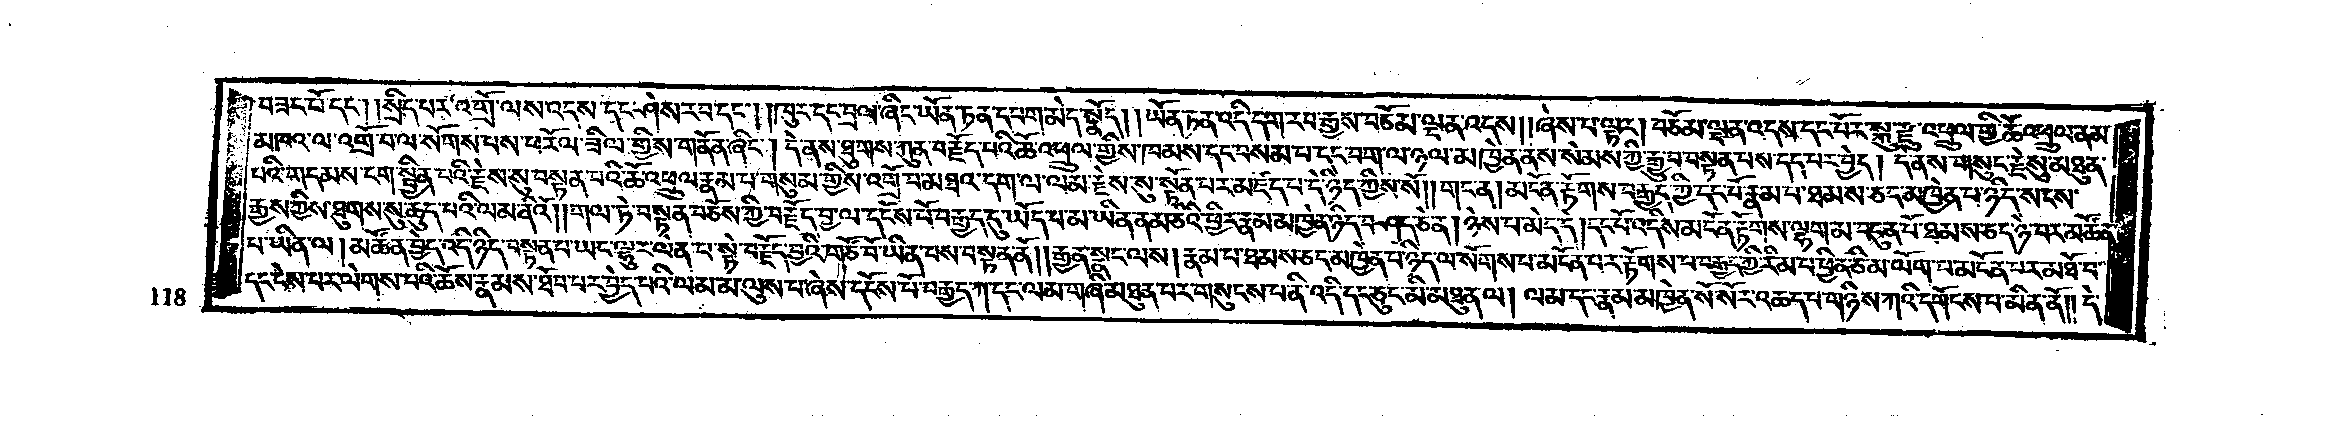བཟང་པོ་དང་། །སྲིད་པར་འགྲོ་ལས་འདས་དང་ཤེས་རབ་དང་། །ཁུར་དང་བྲལ་ཞིང་ཡོན་ཏན་དཔག་མེད་སྣོད། །ཡོན་ཏན་འདི་དག་རབ་རྒྱས་བཅོམ་ལྡན་འདས། །ཞེས་པ་ལྟར། བཅོམ་ལྡན་འདས་དང་པོར་སྐུ་རྫུ་འཕྲུལ་གྱི་ཆོ་འཕྲུལ་ནམ་
མཁའ་ལ་འགྲོ་བ་ལ་སོགས་པས་ཕ་རོལ་ཟིལ་གྱིས་གནོན་ཞིང་། དེ་ནས་ཐུགས་ཀུན་བརྗོད་པའི་ཆོ་འཕྲུལ་གྱིས་ཁམས་དང་བསམ་པ་དང་བག་ལ་ཉལ་མཁྱེན་ནས་སེམས་ཀྱི་རྒྱུ་བ་བསྟན་པས་དད་པར་བྱེད། དེ་ནས་གསུང་རྗེས་སུ་མཐུན་
པའི་གདམས་ངག་སྦྱིན་པའི་རྗེས་སུ་བསྟན་པའི་ཆོ་འཕྲུལ་རྣམ་པ་གསུམ་གྱིས་འགྲོ་བ་མཐའ་དག་ལ་ལམ་རྗེས་སུ་སྟོན་པར་མཛད་པ་དེ་ཉིད་ཀྱིས་སོ། །གང་ན། མངོན་རྟོགས་བརྒྱད་ཀྱི་དང་པོ་རྣམ་པ་ཐམས་ཅད་མཁྱེན་པ་ཉིད་སངས་
རྒྱས་ཀྱིས་ཐུགས་སུ་ཆུད་པའི་ལམ་ནིའོ། །གལ་ཏེ་བསྟན་བཅོས་ཀྱི་བརྗོད་བྱ་ལ་དངོས་པོ་བརྒྱད་དུ་ཡོད་པ་མ་ཡིན་ནམ་ཅིའི་ཕྱིར་རྣམ་མཁྱེན་ཉིད་བཤད་ཅེ་ན། ཉེས་པ་མེད་དེ། དང་པོ་འདིས་མངོན་རྟོགས་ལྷག་མ་བདུན་པོ་ཐམས་ཅད་ཉེ་བར་མཚོན་
པ་ཡིན་ལ། མཚོན་བྱེད་འདི་ཉིད་བསྟན་པ་ཡང་ལྷུར་ལེན་པ་སྟེ་བརྗོད་བྱའི་གཙོ་བོ་ཡིན་པས་བསྟན་ནོ། །རྒྱན་སྣང་ལས། རྣམ་པ་ཐམས་ཅད་མཁྱེན་པ་ཉིད་ལ་སོགས་པ་མངོན་པར་རྟོགས་པ་བརྒྱད་ཀྱི་རིམ་པ་ཕྱིན་ཅི་མ་ལོག་པ་མངོན་པར་མཐོ་བ་
དང་ངེས་པར་ལེགས་པའི་ཆོས་རྣམས་ཐོབ་པར་བྱེད་པའི་ལམ་མ་ལུས་པ་ཞེས་དངོས་པོ་བརྒྱད་ཀ་དང་ལམ་གཞི་མཐུན་པར་གསུངས་པ་ནི་འདི་དང་ཅུང་མི་མཐུན་ལ། ལམ་དང་རྣམ་མཁྱེན་སོ་སོར་འཆད་པ་གཉིས་ཀའི་དགོངས་པ་མིན་ནོ། །དེ་